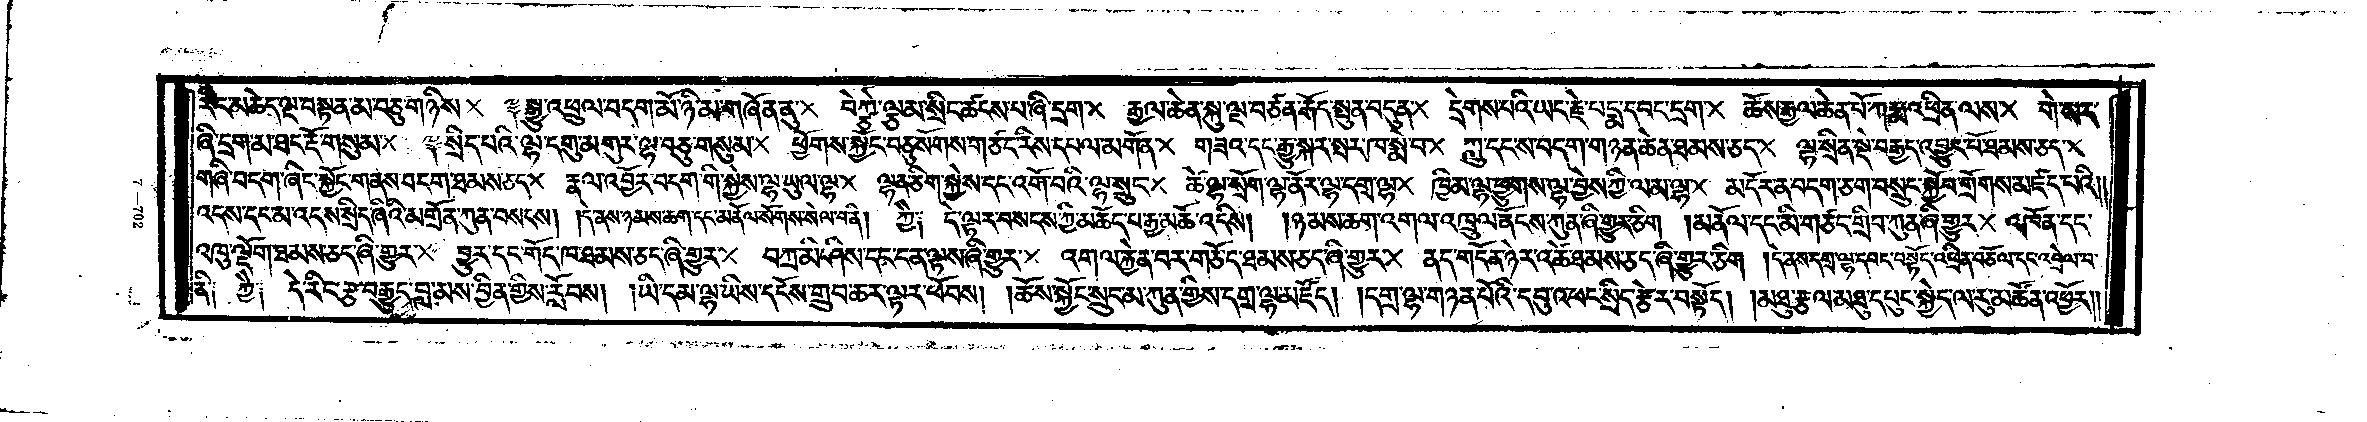རིང་མཆེད་ལྔ་བསྟན་མ་བཅུ་གཉིས་྾་༈ སྒྱུ་འཕྲུལ་བདག་མོ་ཉི་མ་གཞོན་ནུ་྾་བཙེ་ལྕམ་སྲིད་ཚངས་པ་ཞི་དྲག་྾་རྒྱལ་ཆེན་སྐུ་ལྔ་བཙན་རྒོད་སྤུན་བདུན་྾་དྲེགས་པའི་ཡང་རྗེ་པདམ་དབང་དྲག་ཆོས་རྒྱལ་ཆེན་པོ་ཀརྨ་འཕྲིན་ལས་྾་གེ་སར་
ཞི་དྲག་མ་ཐང་རྡོ་གསུམ་྾་སྲིད་པའི་ལྷ་དགུ་མགུར་ལྷ་བཅུ་གསུམ་྾་ཕྱོགས་སྐྱོང་བཅུ་སོགས་གཙང་རིས་དཔལ་མགོན་྾་གཙའ་དང་རྒྱུ་སྐར་སྤར་ཁ་སེམས་བ་྾་སྐུལ་དབང་བདག་གཉན་ཆེན་ཐམས་ཅད་྾་ལྷ་སྲིན་སྡེ་བརྒྱད་འབྱུང་པོ་ཐམས་ཅད་
གཞི་བདག་ཞིང་སྐྱོང་གནས་བདག་ཐམས་ཅད་྾་རྣལ་འབྱོར་བདག་གིས་ཀྱེས་ལྷ་ཡུལ་ལྷ་྾་ལྷན་ཅིག་སྐྱེས་དང་འདག་བའི་ལྷ་སྲུང་྾་ཚེ་ལྷ་སྲོག་ལྷ་ནོར་ལྷ་དགྲ་ལྷ་྾་ཁྱིམ་ལྷ་ཁྱགས་ལྷ་བྱེས་ཀྱི་ལམ་ལྷ་྾་མདོར་ན་བདག་ཅག་བསྲུང་སྐྱོབ་གྲོགས་མཛད་པའོ།།
འདས་དང་མ་འདས་སྲིབ་བཞིའི་མགོ་ཀུན་བསངས། །དེ་ནས་ཉམས་ཆག་དང་མོན་ལ་སོགས་སེལ་བ་ནི། ཀྱཻ༑ དེ་ལྟར་བསངས་ཀྱི་མཆོད་བརྒྱ་མཚོ་འདིས། །ཉམས་ཆག་འགལ་འཁྲུལ་ནོངས་ཀུན་ཞི་གྱུར་ཅིག །མནོལ་དང་མི་གཙང་གྲིབ་ཀུན་ཞི་གྱུར་྾་འཁོན་དང་
འཁྱ་ལྡོག་ཐམས་ཅད་ཞི་གྱུར་྾་བྱུར་དང་གོད་ཐམས་ཅད་ཞི་གྱུར་྾་བཀྲ་མི་ཤིས་དང་ངན་ལྷས་ཞི་གྱུར་྾་འགལ་རྐྱེན་བར་གཅོད་ཐམས་ཅད་ཞི་གྱུར་྾་ནད་གདོན་ཉེར་འཚེ་ཐམས་ཅད་ཤི་གྱུར་ཅིག །དེ་ནས་དགྲ་ལྷ་དབང་བསྟོད་འཕྲིན་བྖོལ་འབྲེལ་པ་
ནི༑ ཀྱཻ༑ དེ་རིང་རྩ་བརྒྱུད་བླ་མས་བྱིན་གིས་རློབས། །ཡི་དམ་ལྷ་ཡིས་དངོས་གྲུབ་ཆར་ལྟར་ཕྱོགས། །ཆོས་སྐྱོང་སྲུང་མ་ཀུན་གྱི་སྒྲ་ལྷ་མཆོད། །དགྲ་ལྷག་གཉན་པོའི་དབུ་འཕང་སྲིན་རྩེར་བསྟོད། །མཐུ་རྩལ་མཐུ་དཔུང་སྐྱེད་ལ་རུ་མཚོན་འཕྱོར།